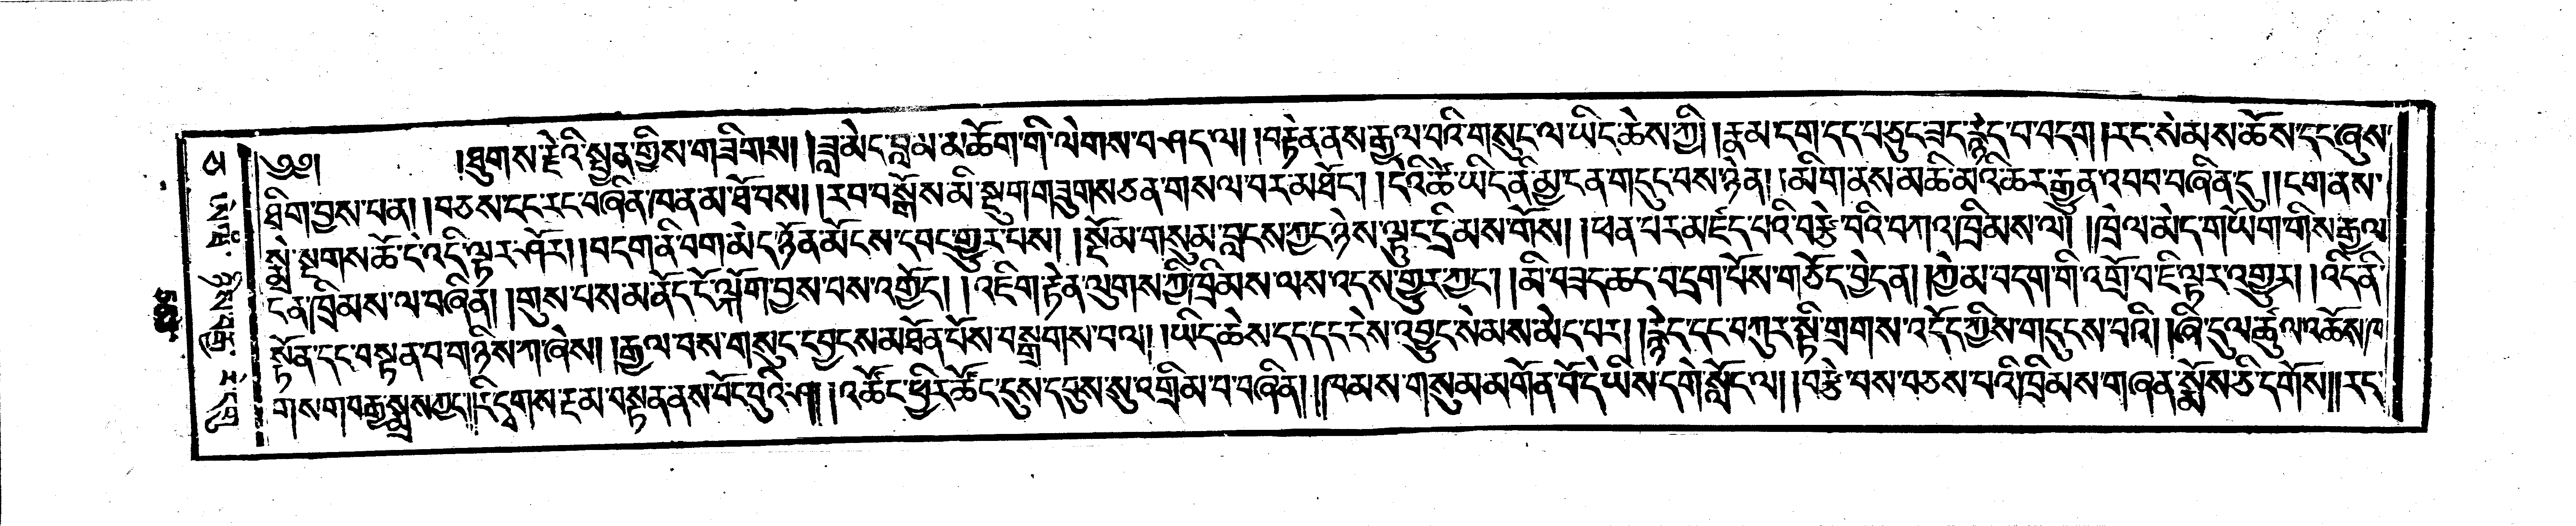༄༅། །ཐུགས་རྗེའི་སྤྱན་གྱིས་གཟིགས། །ཟླ་མེད་བླ་མ་མཆོག་གི་ལེགས་བཤད་ལ། །བརྟེན་ནས་རྒྱལ་བའི་གསུང་ལ་ཡིད་ཆེས་ཀྱི། །རྣམ་དག་དད་པ་ཅུང་ཟད་རྙེད་པ་བདག །རང་སེམས་ཆོས་དང་ཞུས་
ཐིག་བྱས་པ་ན། །བཅས་དང་རང་བཞིན་ཁ་ན་མ་ཐོ་བས། །རབ་བསྒོས་མི་སྡུག་གཟུགས་ཅན་གསལ་བར་མཐོང་། །དེའི་ཚེ་ཡིད་ནི་མྱ་ངན་གདུང་བས་ཉེན། །མིག་ནས་མཆི་མའི་ཆར་རྒྱུན་འབབ་བཞིན་དུ། །ངག་ནས་
སྨྲེ་སྔགས་ཆོ་ངེ་འདི་ལྟར་ཤོར། །བདག་ནི་བག་མེད་ཉོན་མོངས་དབང་གྱུར་པས། །སྡོམ་གསུམ་བླངས་ཀྱང་ཉེས་ལྟུང་དྲི་མས་གོས། །ཕན་པར་མཛད་པའི་བརྩེ་བའི་བཀའ་ཁྲིམས་ལ། །ཁྲེལ་མེད་གཡོག་གིས་རྒྱལ་
ངན་ཁྲིམས་ལ་བཞིན། །གུས་པས་མ་ནོད་ངོ་ལྐོག་བྱས་པས་འགྱོད། །འཇིག་རྟེན་ལུགས་ཀྱི་ཁྲིམས་ལས་འདས་གྱུར་ཀྱང་། །མི་བཟད་ཆད་པ་དྲག་པོས་གཅོད་བྱེད་ན། །ཀྱེ་མ་བདག་གི་འགྲོ་བ་ཇི་ལྟར་འགྱུར། །འདི་ནི་
སྟོན་དང་བསྟན་པ་གཉིས་ཀ་ཞེས། །རྒྱལ་བས་གསུང་དབྱངས་མཐོན་པོས་བསྒྲགས་པ་ལ། །ཡིད་ཆེས་དད་དང་ངེས་འབྱུང་སེམས་མེད་པར། །རྙེད་དང་བཀུར་སྟི་གྲགས་འདོད་ཀྱིས་གདུངས་པའི། །ཞི་དུལ་ཚུལ་འཆོས་ཁ་
གསག་བརྒྱ་སྨྲས་ཀྱང་། །རི་དྭགས་རྔ་མ་བསྟན་ནས་བོང་བུའི་ཤ། །འཚོང་ཕྱིར་ཚོང་དུས་དབུས་སུ་འགྲིམ་པ་བཞིན། །ཁམས་གསུམ་མགོན་པོ་དེ་ཡིས་དགེ་སློང་ལ། །བརྩེ་བས་བཅས་པའི་ཁྲིམས་གཞན་སྨོས་ཅི་དགོས། །རང་